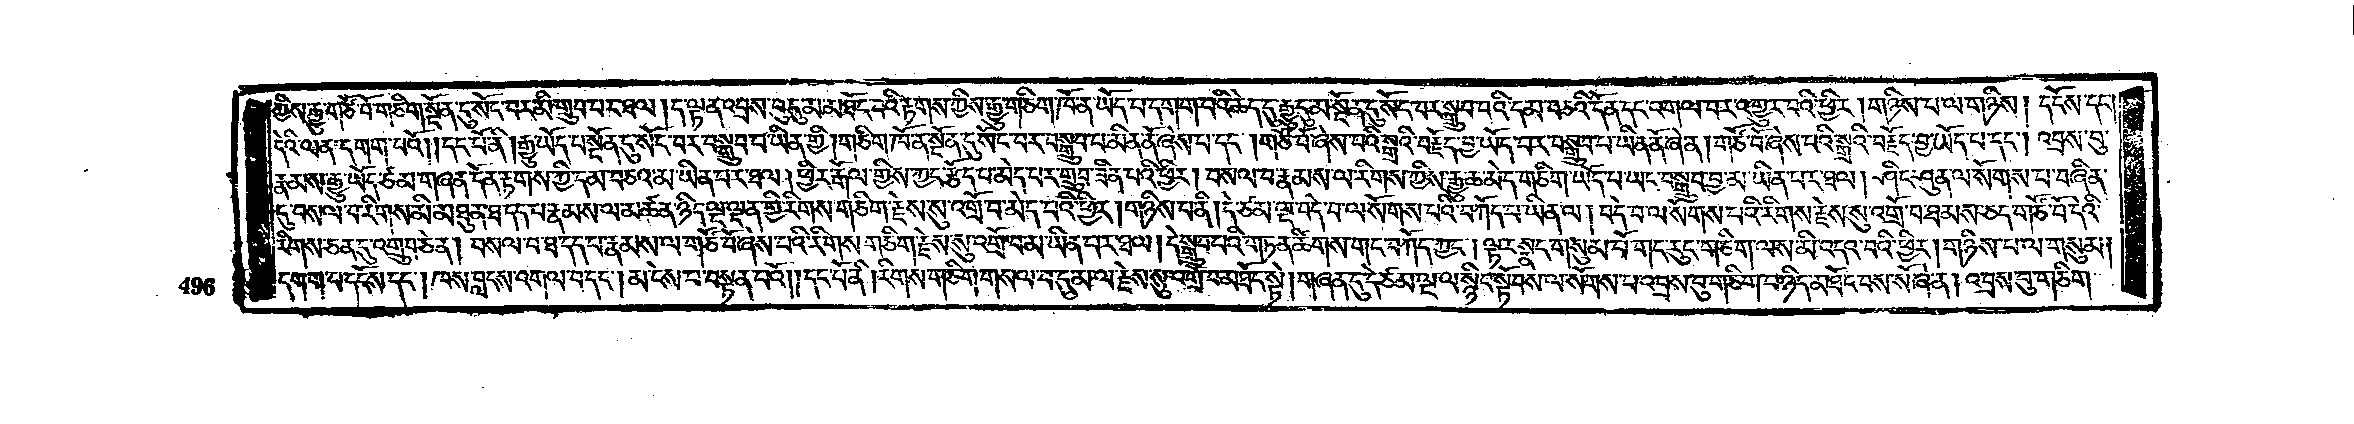ཀྱིས་རྒྱུ་གཙོ་བོ་གཅིག་སྔོན་དུ་སོང་བར་མི་གྲུབ་པར་ཐལ། དེ་ལྟར་ན་འབྲས་བུ་དུ་མ་མཐོང་བའི་རྟགས་ཀྱིས་རྒྱུ་གཅིག་ཁོ་ན་ཡོད་པ་དགག་པའི་ཆེད་དུ་རྒྱུ་དུ་སོང་བར་སྒྲུབ་པའི་དམ་བཅའི་དོན་དང་འགལ་བར་འགྱུར་བའི་ཕྱིར། གཉིས་པ་ལ་གཉིས། དངོས་དང་
དེའི་ལན་དགག་པའོ། །དང་པོ་ནི། རྒྱུ་ཡོད་པ་སྔོན་དུ་སོང་བར་བསྒྲུབ་པ་ཡིན་གྱི་།གཅིག་ཁོ་ན་སྔོན་དུ་སོང་བར་བསྒྲུབ་པ་མིན་ནོ་ཞེས་པ་དང་། གཙོ་བོ་ཞེས་པའི་སྒྲའི་བརྗོད་བྱ་ཡོད་པར་བསྒྲུབ་པ་ཡིན་ནོ་ཞེ་ན། གཙོ་བོ་ཞེས་པའི་སྒྲའི་བརྗོད་བྱ་ཡོད་པ་དང་། འབྲས་བུ་
རྣམས་རྒྱུ་ཡོད་ཙམ་གཞན་དོན་རྟགས་ཀྱི་དམ་བཅའ་མ་ཡིན་པར་ཐལ། ཕྱིར་རྒོལ་གྱིས་ཀྱང་རྩོད་པ་མེད་པར་གྲུབ་ཟིན་པའི་ཕྱིར། བསལ་བ་རྣམས་ལ་རིགས་ཀྱིས་རྒྱུ་ཆ་མེད་གཅིག་ཡོད་པ་ཡང་བསྒྲུབ་བྱ་མ་ཡིན་པར་ཐལ། ཤིང་ཤུན་ལ་སོགས་པ་བཞིན་
དུ་བསལ་བ་རིགས་མི་མཐུན་ཐ་དད་རྣམས་ལ་གཙོ་བོ་ཞེས་པའི་རིགས་གཅིག་རྗེས་སུ་འགྲོ་བ་མེད་པའི་ཕྱིར། གཉིས་པ་ནི། དེ་ཙམ་ལྔ་བདེ་བ་ལ་སོགས་པའི་བཀོད་པ་ཡིན་ལ། བདེ་བ་ལ་སོགས་པའི་རིགས་རྗེས་སུ་འགྲོ་བ་ཐམས་ཅད་གཙོ་བོ་དེའི་
རིགས་ཅན་དུ་འགྲུབ་ཅེ་ན། བསལ་བ་ཐ་དད་པ་རྣམས་ལ་གཙོ་བོ་ཞེས་པའི་རིགས་གཅིག་རྗེས་སུ་འགྲོ་བ་མ་ཡིན་པར་ཐལ། དེ་སྒྲུབ་པའི་གཏན་ཚིགས་གང་བཀོད་ཀྱང་། ལྟར་སྣང་གསུམ་པོ་གང་རུང་གཅིག་ལས་མི་འདའ་བའི་ཕྱིར། གཉིས་པ་ལ་གསུམ།
དགག་པ་དངོས་དང་། ཁས་བླངས་འགལ་བ་དང་། མ་ངེས་པ་བསྟན་པའོ། །དང་པོ་ནི། རིགས་གཅིག་གསལ་བ་དུ་མ་ལ་རྗེས་སུ་འགྲོ་བ་མཐོང་སྟེ། གཞན་དུ་དེ་ཙམ་ལྔ་ལ་སྙིང་སྟོབས་ལ་སོགས་པ་འབྲས་བུ་གཅིག་པ་ཉིད་མཐོང་བ་སོ་ཞེ་ན། འབྲས་བུ་གཅིག་